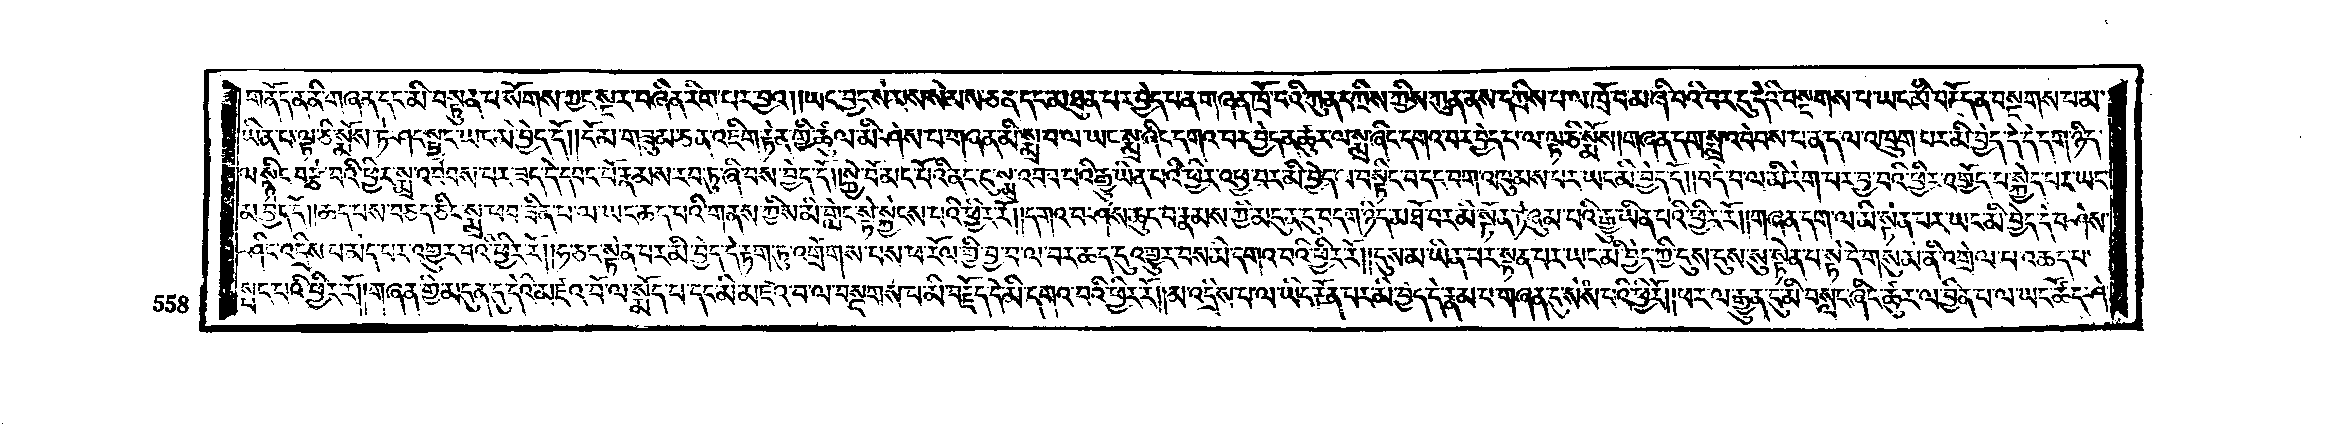གནོད་ན་ནི་གཞན་དང་མི་བསྟུན་པ་སོགས་ཀྱང་སྔར་བཞིན་རིག་པར་བྱའོ། །ཡང་བྱང་སེམས་སེམས་ཅན་དང་མཐུན་པར་བྱེད་པ་ན་གཞན་ཁྲོ་བའི་ཀུན་དཀྲིས་ཀྱིས་ཀུན་ནས་དཀྲིས་པ་ལ་ཁྲོ་བ་མ་ཞི་བའི་བར་དུ་དེའི་བསྔགས་པ་ཡང་མི་བརྗོད་ན་བསྔགས་པ་མ་
ཡིན་པ་ལྟ་ཅི་སྨོས་ཏེ་ཤད་སྦྱང་ཡང་མེ་བྱེད་དོ། །ངོམ་གཟུམ་ཅན་འཇིག་རྟེན་གྱི་ཚུལ་མི་ཤེས་པ་གཞན་མི་སྨྲ་བ་ལ་ཡང་སྨྲ་ཞིང་དགའ་བར་བྱེད་ན་ཚུར་ལ་སྨྲ་ཞིང་དགའ་བར་བྱེད་པ་ལ་ལྟ་ཅི་སྨོས། གཞན་དག་སྨྲ་འབེབས་པ་ན་དེ་ལ་འཁྲུག་པར་མི་བྱེད་དེ་དེ་དག་ཉིད་
ལ་སྙིང་བརྩེ་བའི་ཕྱིར་སྨྲ་འབེབས་པར་ཟད་དེ་དབང་པོ་རྣམས་རབ་ཏུ་ཞི་བས་བྱེད་དོ། །སྐྱེ་བོ་མང་པོའི་ནང་དུ་སྨྲ་འབབ་པའི་རྒྱུ་ཡིན་པའི་ཕྱིར་འཕྱ་བར་མི་བྱེད་ལ་བསྟིང་བ་དང་བག་འཁུམས་པར་ཡང་མི་བྱེད་དོ། །བདེ་བ་ལ་མི་རེག་པར་བྱ་བའི་ཕྱིར་འགྱོད་པ་སྐྱེད་པར་ཡང་
མ་བྱེད་དོ། །ཆད་པས་བཅད་ཅིང་སྨྲ་ཕབ་ཟིན་པ་ལ་ཡང་ཆད་པའི་གནས་ཀྱིས་མི་གླེང་སྟེ་སྐྱེངས་པའི་ཕྱིར་རོ། །དགའ་བ་ཤེས་ཆུང་བ་རྣམས་ཀྱི་མདུན་དུ་བདག་ཉིད་མཐོ་བར་མི་སྟོན་ཏེ་ཞུམ་པའི་རྒྱུ་ཡིན་པའི་ཕྱིར་རོ། །གཞན་དག་ལ་མི་སྟེན་པར་ཡང་མི་བྱེད་དེ་བཤེས་
ཤིང་འདྲིས་པ་མེད་པར་འགྱུར་བའི་ཕྱིར་རོ། །ཧ་ཅང་སྟེན་པར་མི་བྱེད་དེ་རྟག་ཏུ་འགྲོགས་པས་ཕ་རོལ་གྱི་བྱ་བ་ལ་བར་ཆད་དུ་འགྱུར་བས་མི་དགའ་བའི་ཕྱིར་རོ། །དུས་མ་ཡིན་པར་སྟན་པར་ཡང་མི་བྱེད་ཀྱི་དུས་དུས་སུ་སྟེན་པ་སྟེ་དེ་གསུམ་ནི་འགྲེལ་པ་འཆད་པ་
སྤང་པའི་ཕྱིར་རོ། །གཞན་གྱི་མདུན་དུ་དེའི་མཛའ་བོ་ལ་སྨོད་པ་དང་མི་མཛའ་བ་ལ་བསྔགས་པ་མི་བརྗོད་དེ་མི་དགའ་བའི་ཕྱིར་རོ། །མ་འདྲིས་པ་ལ་ཡིད་རྟོན་པར་མི་བྱེད་དེ་རྣམ་པ་གཞན་དུ་སེམས་པའི་ཕྱིར་རོ། །ཕར་ལ་རྒྱུན་དུ་མི་བསླང་ཞིང་ཚུར་ལ་བྱིན་པ་ལ་ཡང་ཚོད་ཤེ་